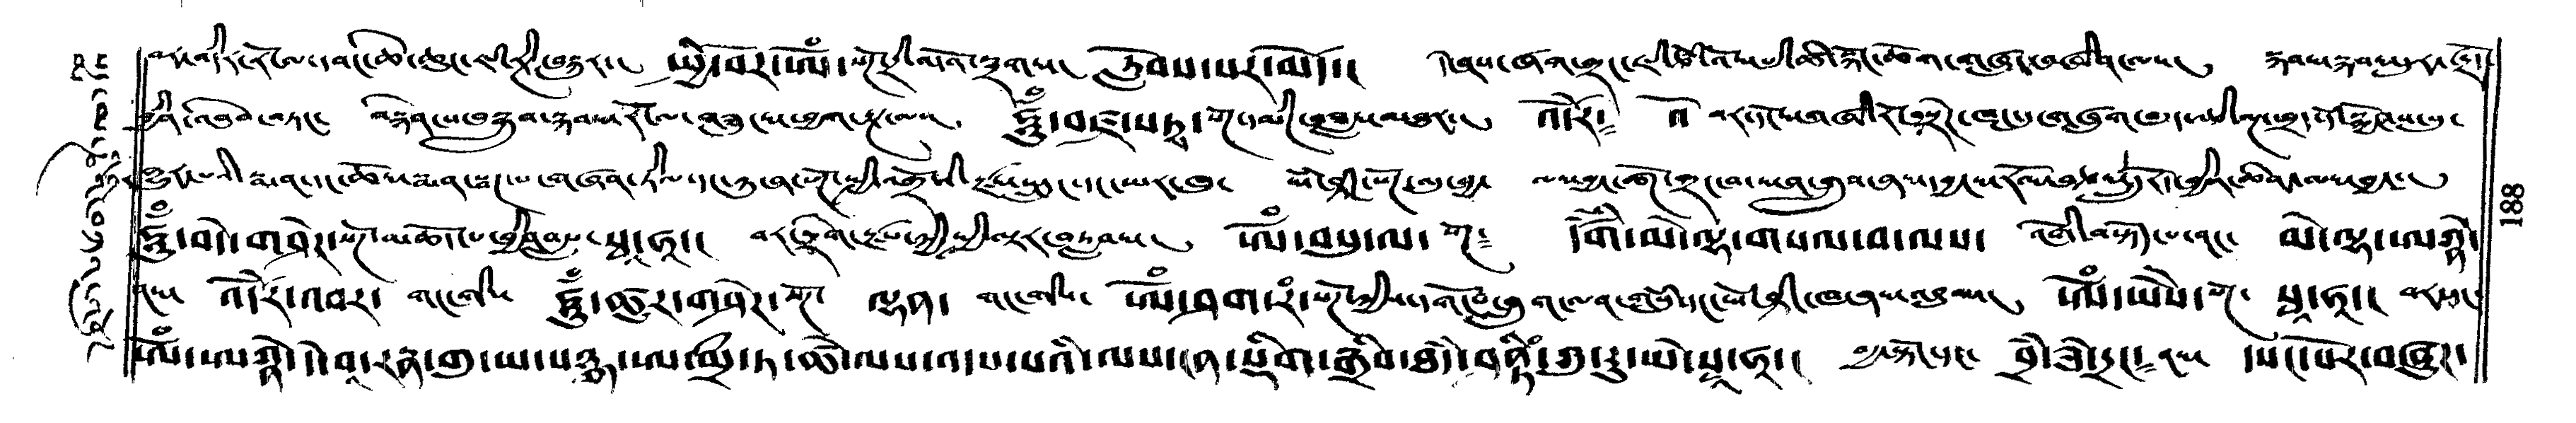བར། འདིར་རོ་ལ་དབང་ཆེ་ཆུང་ཇི་རིགས་བསྐུར། སྤྱི་བོར་ཨོཾ་སོགས་དྲི་འདོན་སྦྲགས། རློབ་པར་མཛོད༔ དེ་ནས་ཞག་གྲངས་ཇི་ཙམ་འོས་པའི་ཚེ་སྐོང་ཆོག་གཞུང་བཞིན་ལས། སྐབས་སྐབས་དུར་ཁྲོད་
བྱིན་འབེབས་གཏང་། སྙེན་པ་སྒྲུབ་སྐབས་རོ་ལ་གཟུངས་ཕྱག་གདགས་ལ། ཧཱུྃ་བཛྲ་ས་ཏྭ༴ སོགས་དམིགས་བཟླས་མཐར། འོད་ཟེར༴ འོ། བར་དངོས་གཞི་རོ་སྲེག་ཁང་དུ་གཞུག་བདུད་རྩི་ལྔ་ཕྲད་དམ་སྐྱོབས་སུ་
གྱུར་པའི་སྨན་དང་ཆོས་སྨན་སྦགས་པ་གཞན་ཏིལ་དང་ཀུ་ཤ་སོགས་སྤྱི་འགྲོའི་རྫས་དང་མར་ཁུ། ཡམ་ཤིང་སོགས་འདུ་བྱ། ལས་བྱང་ཚོགས་དྲང་བ་ཡན་གྲུབ་ནས་དབྱངས་རོལ་བཅས་དུར་ཁྲོད་བྱིན་ཆེན་ལས་བྱང་། 
ཧཱུྃ༔བདེ་གཤེགས༴ སོགས་མཆོད་པ་བྱིན་རླབས། སྭ་ཧཱ༔ བར་སྲེག་རྫས་ཀྱི་སྤྱི་ལྟར་བརླབ། ཨོཾ་བ་སུ་ལ༴ སོགས། དམ་ཚིག་མེ་ལྷ་གསལ་བ་ལས༴ འོག་གི་བསྟོད་པའི་ནང་། མེ་ལྷ་ཨཀྣེ་
ནས། འོད་ཟེར་འབར༔ གོང་གི ཧཱུྃ༔ཚུར་གཤེགས༴ སོགས། གོང་གི ཨོཾ་ཤག་རཾ་སོགས་ཀྱིས་དགང་བླུག་ལན་གསུམ་དང་ཡམ་ཤིང་ཁ་ནས་འབུལ། ཨོཾ་ཡེ་ཤེས་སོགས། སྭ་ཧཱ༔ བར་དང་། 
ཨོཾཨཀྣེ་དེ་བཱ་རཏྣ་གུ་ཡ་པཉྩ་ཨ་མྲྀ་ཏ་ཚེ་ལས་འདས་པའི་ལས་ངན་སྡིག་སྒྲིབ་ཐམས་ཅད་ཤནྟིང་ཀུ་རུ་ཡེ་སྭ་ཧཱ༔ བརྒྱ་སྟོང་དང་། བྲམ་ཟེ་དྲང་༴ ནས། དཔང་པོར་བཞུགས་